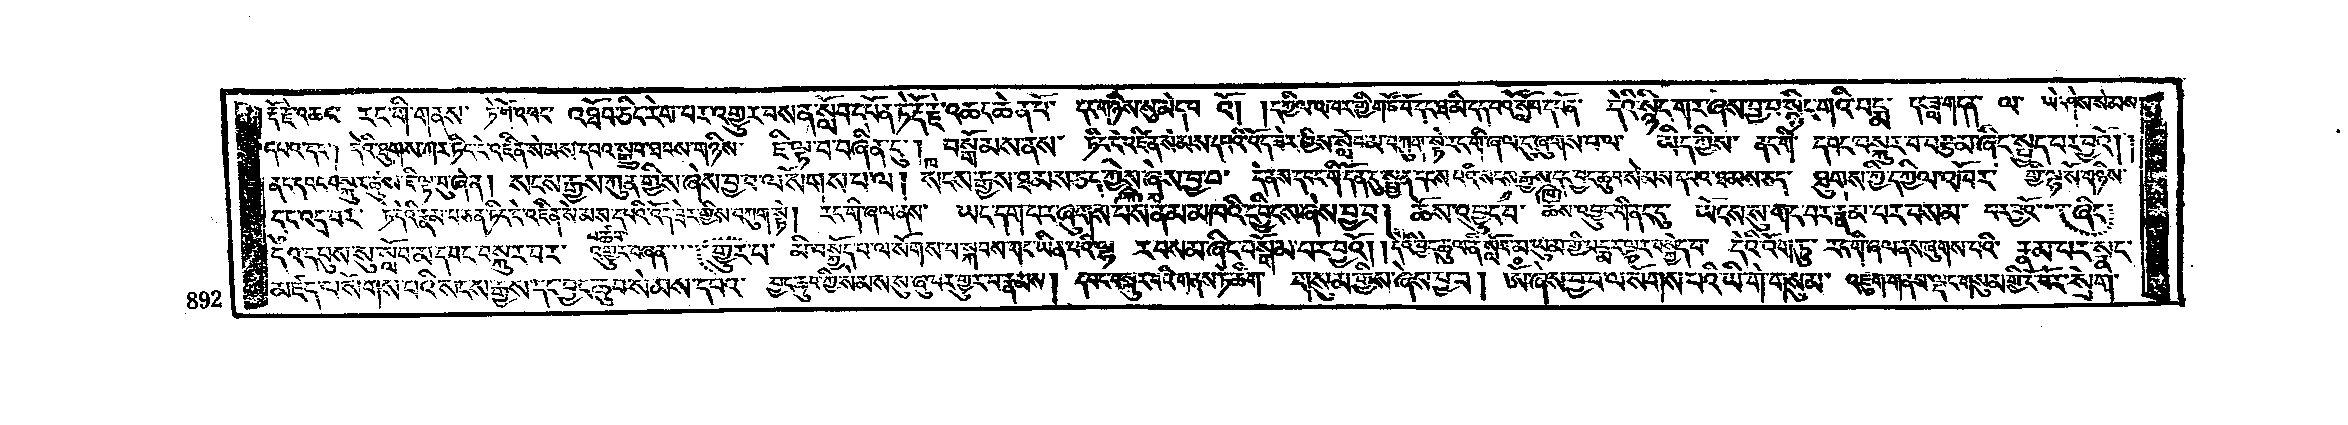རྡོ་རྗེ་འཆང་རང་གི་གནས་ཏེ་གོ་འཕང་འཐོབ་ཅིང་རེག་པར་འགྱུར་བས་ན་སློབ་དཔོན་ཏེ་རྡོ་རྗེ་འཆང་ཆེན་པོ་དང་གཉིས་སུ་མེད་པའོ། །དཀྱིལ་འཁོར་གྱི་གཙོ་བོ་དང་ཐ་མི་དད་པའི་སློབ་དཔོན་དེའི་སྙིང་གར་ཞེས་བྱ་བ་སྙིང་གའི་པདམ་དང་ཟླ་གདན་ལ་ཡེ་ཤེས་སེམས་
དཔའ་དང་། དེའི་ཐུགས་ཀར་ཏིང་ངེ་འཛིན་སེམས་དཔའ་སྒྲུབ་ཐབས་གཉིས་ཇི་ལྟ་བ་བཞིན་དུ། བསྒོམས་ནས་ཏིང་ངེ་འཛིན་སེམས་དཔའི་འོད་ཟེར་གྱིས་སློབ་མ་བཀུག་སྟེ་རང་གི་ཞལ་དུ་ཞུགས་པ་ལ་ཡིད་ཀྱིས་ནང་གི་དབང་བསྐུར་བ་བརྩམ་ཞིང་སྤྱད་པར་བྱའོ།།
ནང་དབང་བསྐུར་ཚུལ་ཇི་ལྟ་བུ་ཞེ་ན།  སངས་རྒྱས་ཀུན་གྱིས་ཞེས་བྱ་བ་ལ་སོགས་པ་ལ། སངས་རྒྱས་ཐམས་ཅད་ཀྱིས་ཞེས་བྱ་བ་དེ་ནས་དབང་གི་དོན་དུ་སྤྱན་དྲངས་པའི་སངས་རྒྱས་དང་བྱང་ཆུབ་སེམས་དཔའ་ཐམས་ཅད་ཐུགས་ཀྱི་དཀྱིལ་འཁོར་ཀྱི་ལྷ་སོ་གཉིས་
དང་འདྲ་བར་ཏེ་དེའི་རྣམ་པ་ཅན་ཏིང་ངེ་འཛིན་སེམས་དཔའི་འོད་ཟེར་གྱིས་བཀུག་སྟེ། རང་གི་ཞལ་ཨནས་ཡང་དག་པར་ཞུགས་པས་ནམ་མཁའི་དབྱིངས་ཞེས་བྱ་བ། ཆོས་འབྱུང་བ་ཆོས་འབྱུང་གི་ནང་དུ་ཡོངས་སུ་གང་བར་རྣམ་པར་བསམ་པར་བྱའོ་ཞིང་
དེའི་དབུས་སུ་སློབ་མ་དབང་བསྐུར་བར་འགྱུར་བཞན་གྱུར་པ་མི་བསྐྱོད་པ་ལ་སོགས་པ་སྐབས་གང་ཡིན་པའི་ལྷར་བསམ་ཞིང་བསྒོམ་པར་བྱའོ། །དེའི་བྱེད་ཚུལ་ནི་སློབ་མ་ཡུམ་གྱི་པདམར་ལྷར་བསྐྱེད་པ་དེའི་འོག་ཏུ་རང་གི་ཞལ་ནས་ཞུགས་པའི་རྣམ་པར་སྣང་
མཛད་ལ་སོགས་པའི་སངས་རྒྱས་དང་བྱང་ཆུབ་སེམས་དཔའ་བྱང་ཆུབ་ཀྱི་སེམས་སུ་ཞུ་བར་གྱུར་པ་རྣམས། དབང་བསྐུར་བའི་གནས་ཏེ་ཚིག་གསུམ་གྱིས་ཞེས་བྱ་བ། ཨོཾ་ཞེས་བྱ་བ་ལ་སོགས་པའི་ཡི་གེ་གསུམ་འཇུག་གནས་ལྡང་གསུམ་གྱི་ངོ་བོར་སྲོ་